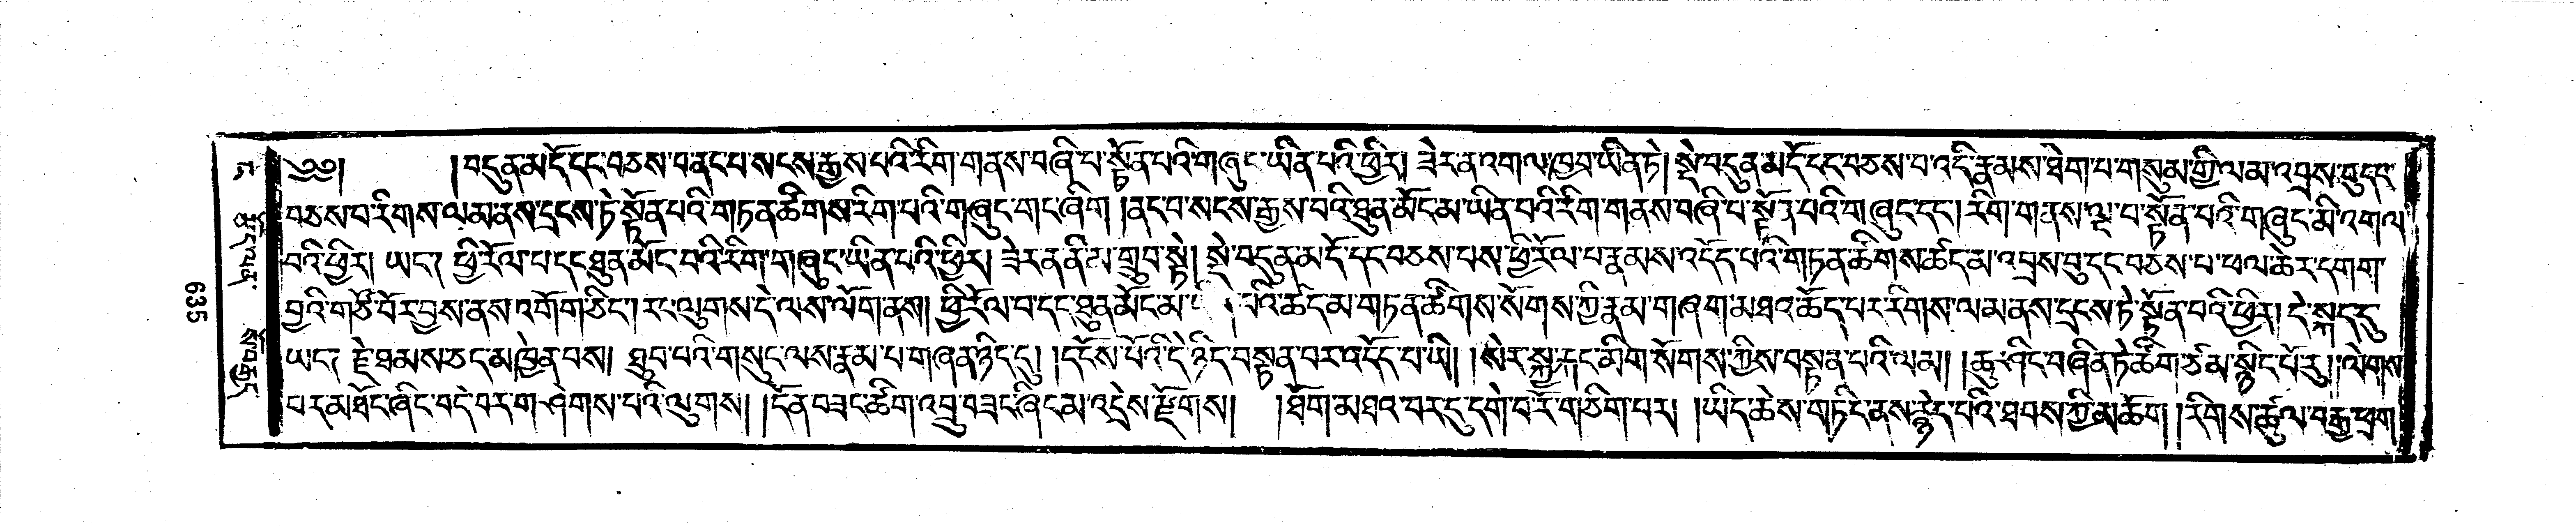༄༅། །བདུན་མདོ་དང་བཅས་པ་ནང་པ་སངས་རྒྱས་པའི་རིག་གནས་བཞི་པ་སྟོན་པའི་གཞུང་ཡིན་པའི་ཕྱིར། ཟེར་ན་འགལ་ཁྱབ་ཡིན་ཏེ། སྡེ་བདུན་མདོ་དང་བཅས་པ་འདི་རྣམས་ཐེག་པ་གསུམ་གྱི་ལམ་འབྲས་བུ་དང་
བཅས་པ་རིགས་ལམ་ནས་དྲངས་ཏེ་སྟོན་པའི་གཏན་ཚིགས་རིག་པའི་གཞུང་གང་ཞིག །ནང་པ་སངས་རྒྱས་པའི་ཐུན་མོང་མ་ཡིན་པའི་རིག་གནས་བཞི་པ་སྟོན་པའི་གཞུང་དང་། རིག་གནས་ལྔ་པ་སྟོན་པའི་གཞུང་མི་འགལ་
བའི་ཕྱིར། ཡང༑ ཕྱི་རོལ་པ་དང་ཐུན་མོང་བའི་རིག་གཞུང་ཡིན་པའི་ཕྱིར། ཟེར་ན་ནི་མ་གྲུབ་སྟེ། སྡེ་བདུན་མདོ་དང་བཅས་པས་ཕྱི་རོལ་པ་རྣམས་འདོད་པའི་གཏན་ཚིགས་ཚད་མ་འབྲས་བུ་དང་བཅས་པ་ཕལ་ཆེར་དགག་
བྱའི་གཙོ་བོར་བྱས་ནས་འགོག་ཅིང་། རང་ལུགས་དེ་ལས་ལོག་ནས། ཕྱི་རོལ་པ་དང་ཐུན་མོང་མ་ཡིན་པའི་ཚད་མ་གཏན་ཚིགས་སོགས་ཀྱི་རྣམ་གཞག་མཐའ་ཆོད་པར་རིགས་ལམ་ནས་དྲངས་ཏེ་སྟོན་པའི་ཕྱིར། དེ་སྐད་དུ་
ཡང༑ རྗེ་ཐམས་ཅད་མཁྱེན་པས། ཐུབ་པའི་གསུང་ལས་རྣམ་པ་གཞན་ཉིད་དུ། །དངོས་པོའི་དེ་ཉིད་བསྟན་པར་འདོད་པ་ཡི། །སེར་སྐྱ་རྐང་མིག་སོགས་ཀྱིས་བསྟན་པའི་ལམ། །ཆུ་ཤིང་བཞིན་ཏེ་ཚིག་ཙམ་སྙིང་པོ་རུ། །ལེགས་
པར་མཐོང་ཞིང་བདེ་བར་གཤེགས་པའི་ལུགས། །དོན་བཟང་ཚིག་འབྲུ་བཟང་ཞིང་མ་འདྲེས་རྫོགས། །ཐོག་མཐའ་བར་དུ་དགེ་བ་རོ་གཅིག་པར། །ཡིད་ཆེས་གཏིང་ནས་རྙེད་པའི་ཐབས་ཀྱི་མཆོག །རིགས་ཚུལ་བརྒྱ་ཕྲག་